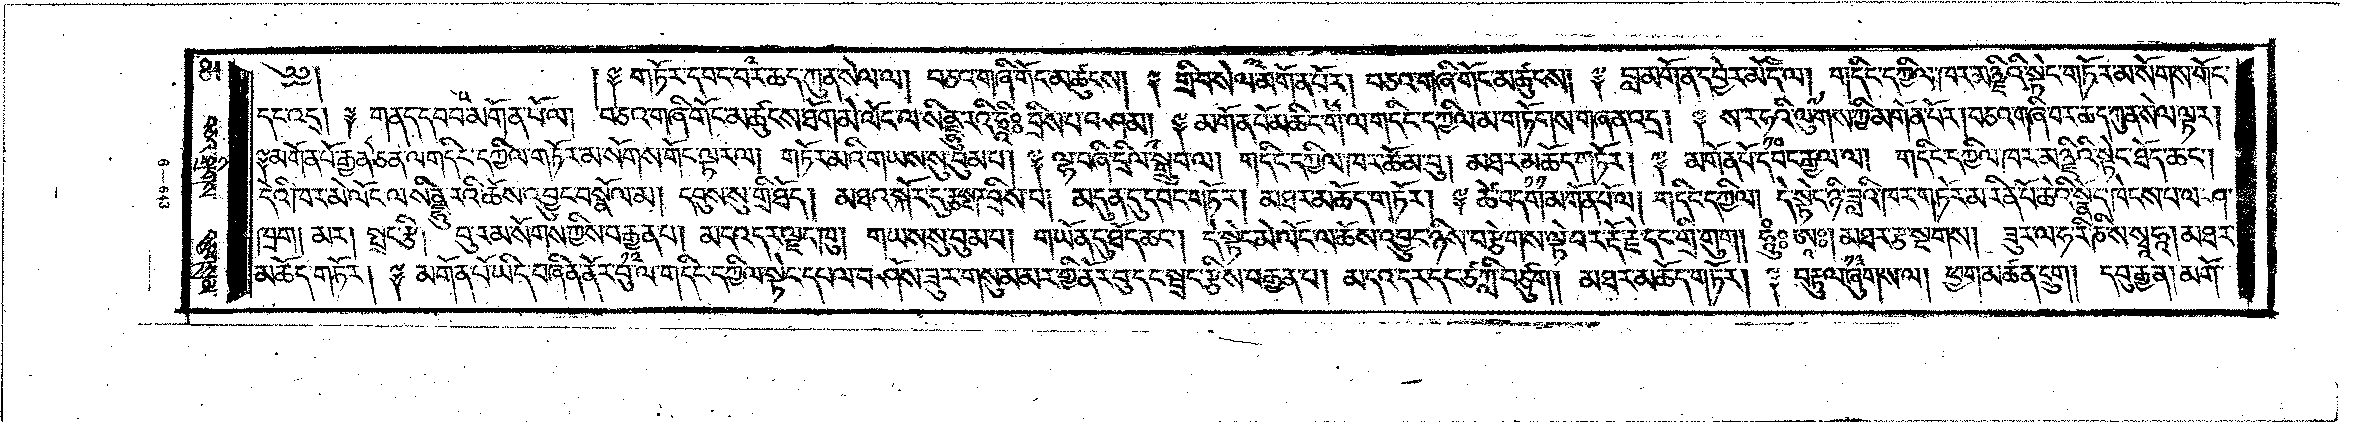༄༅། །༈ གཏོར་དབང་བར་ཆད་ཀུན་སེལ་ལ། བཅའ་གཞི་གོང་མཚུངས། ༈ གྲིབ་སེལ་མགོན་པོར། བཅའ་གཞི་གོང་མཚུངས། ༈ བླ་མགོན་དབྱེར་མདོ་ལ། གདིང་དཀྱིལ་ཁར་མཉྫིའི་སྟེང་གཏོར་མ་སོགས་གོང་
དང་འདྲ། ༈ གནད་དབབ་མགོན་པོ་ལ། བཅའ་གཞི་གོང་མཚུངས་ཐོག་མེ་ལོང་ལ་སིནྡྷུ་རའི་ཧྲཱིཿ བྲིས་པ་བཤམ། ༈ མགོན་པོ་མཆིང་ག་ལ་གདིང་དཀྱིལ་མ་གཏོགས་གཞན་འདྲ། ༈ སར་ཧའི་ལུགས་ཀྱི་མགོན་པོར། བཅའ་གཞི་བར་ཆད་ཀུན་སེལ་ལྟར།
༈ མགོན་པོ་རྒྱན་ཅན་ལ་གདིང་དཀྱིལ་གཏོར་མ་སོགས་གོང་ལྟར་ལ། གཏོར་མའི་གཡས་སུ་བུམ་པ། ༈ ལྷ་བཞི་དྲིལ་སྒྲུབ་ལ། གདིང་དཀྱིལ་ཁར་ཚོམ་བུ། མཐར་མཆོད་གཏོར། ༈ མགོན་པོ་དབང་རྒྱལ་ལ། གདིང་དཀྱིལ་ཁར་མཉྫིའི་སྟེང་ཐོད་ཆང་།
དེའི་ཁར་མེ་ལོང་ལ་སིནྡྷུ་རའི་ཆོས་འབྱུང་བསྣོལ་མ། དབུས་སུ་གྲི་ཐོད། མཐའ་སྐོར་དུ་རྩ་སྔཌ་བྲིས་པ། མདུན་དུ་དབང་གཏོར། མཐར་མཆོད་གཏོར། ༈ ཚེ་བདག་མགོན་པོ་ལ། གདིང་དཀྱིལ། དེ་སྟེང་ཉི་ཟླའི་ཁར་གཏོར་མ་རིན་པོ་ཆེའི་སྣོད་ཁེངས་པ་ལ་ཤ་ཁྲག། མར། སྤྲང་རྩི། བུ་རམ་སོགས་ཀྱིས་བརྒྱན་པ། མདའ་དར་ལྗང་ཁུ། གཡས་སུ་བུམ་པ། གཡོན་དུ་ཐོད་ཆང་། དེ་སྟེང་མེ་ལོང་ལ་ཆོས་འབྱུང་ཉིས་བརྩེགས་ལྟེ་བར་རྡོ་རྗེ་དང་གྲི་གུག། ཧཱུཾཿ ཨཱཿ མཐར་རྩ་སྔགས། ཟུར་ལ་ཧ་རི་ཎི་ས་སྭཱཧཱ། མཐར་
མཆོད་གཏོར། ༈ མགོན་པོ་ཡིད་བཞིན་ནོར་བུ་ལ་གདིང་དཀྱིལ་སྟེང་དཔལ་བཤོས་ཟུར་གསུམ་མར་གྱི་ནོར་བུ་དང་སྦྲང་རྩིས་བརྒྱན་པ། མདའ་དར་དང་ཙཀླི་བཙུག། མཐར་མཆོད་གཏོར། ༈ བརྟུལ་ཞུགས་ལ། ཕྱག་མཚན་དྲུག། དབུ་རྒྱན། མགོ་